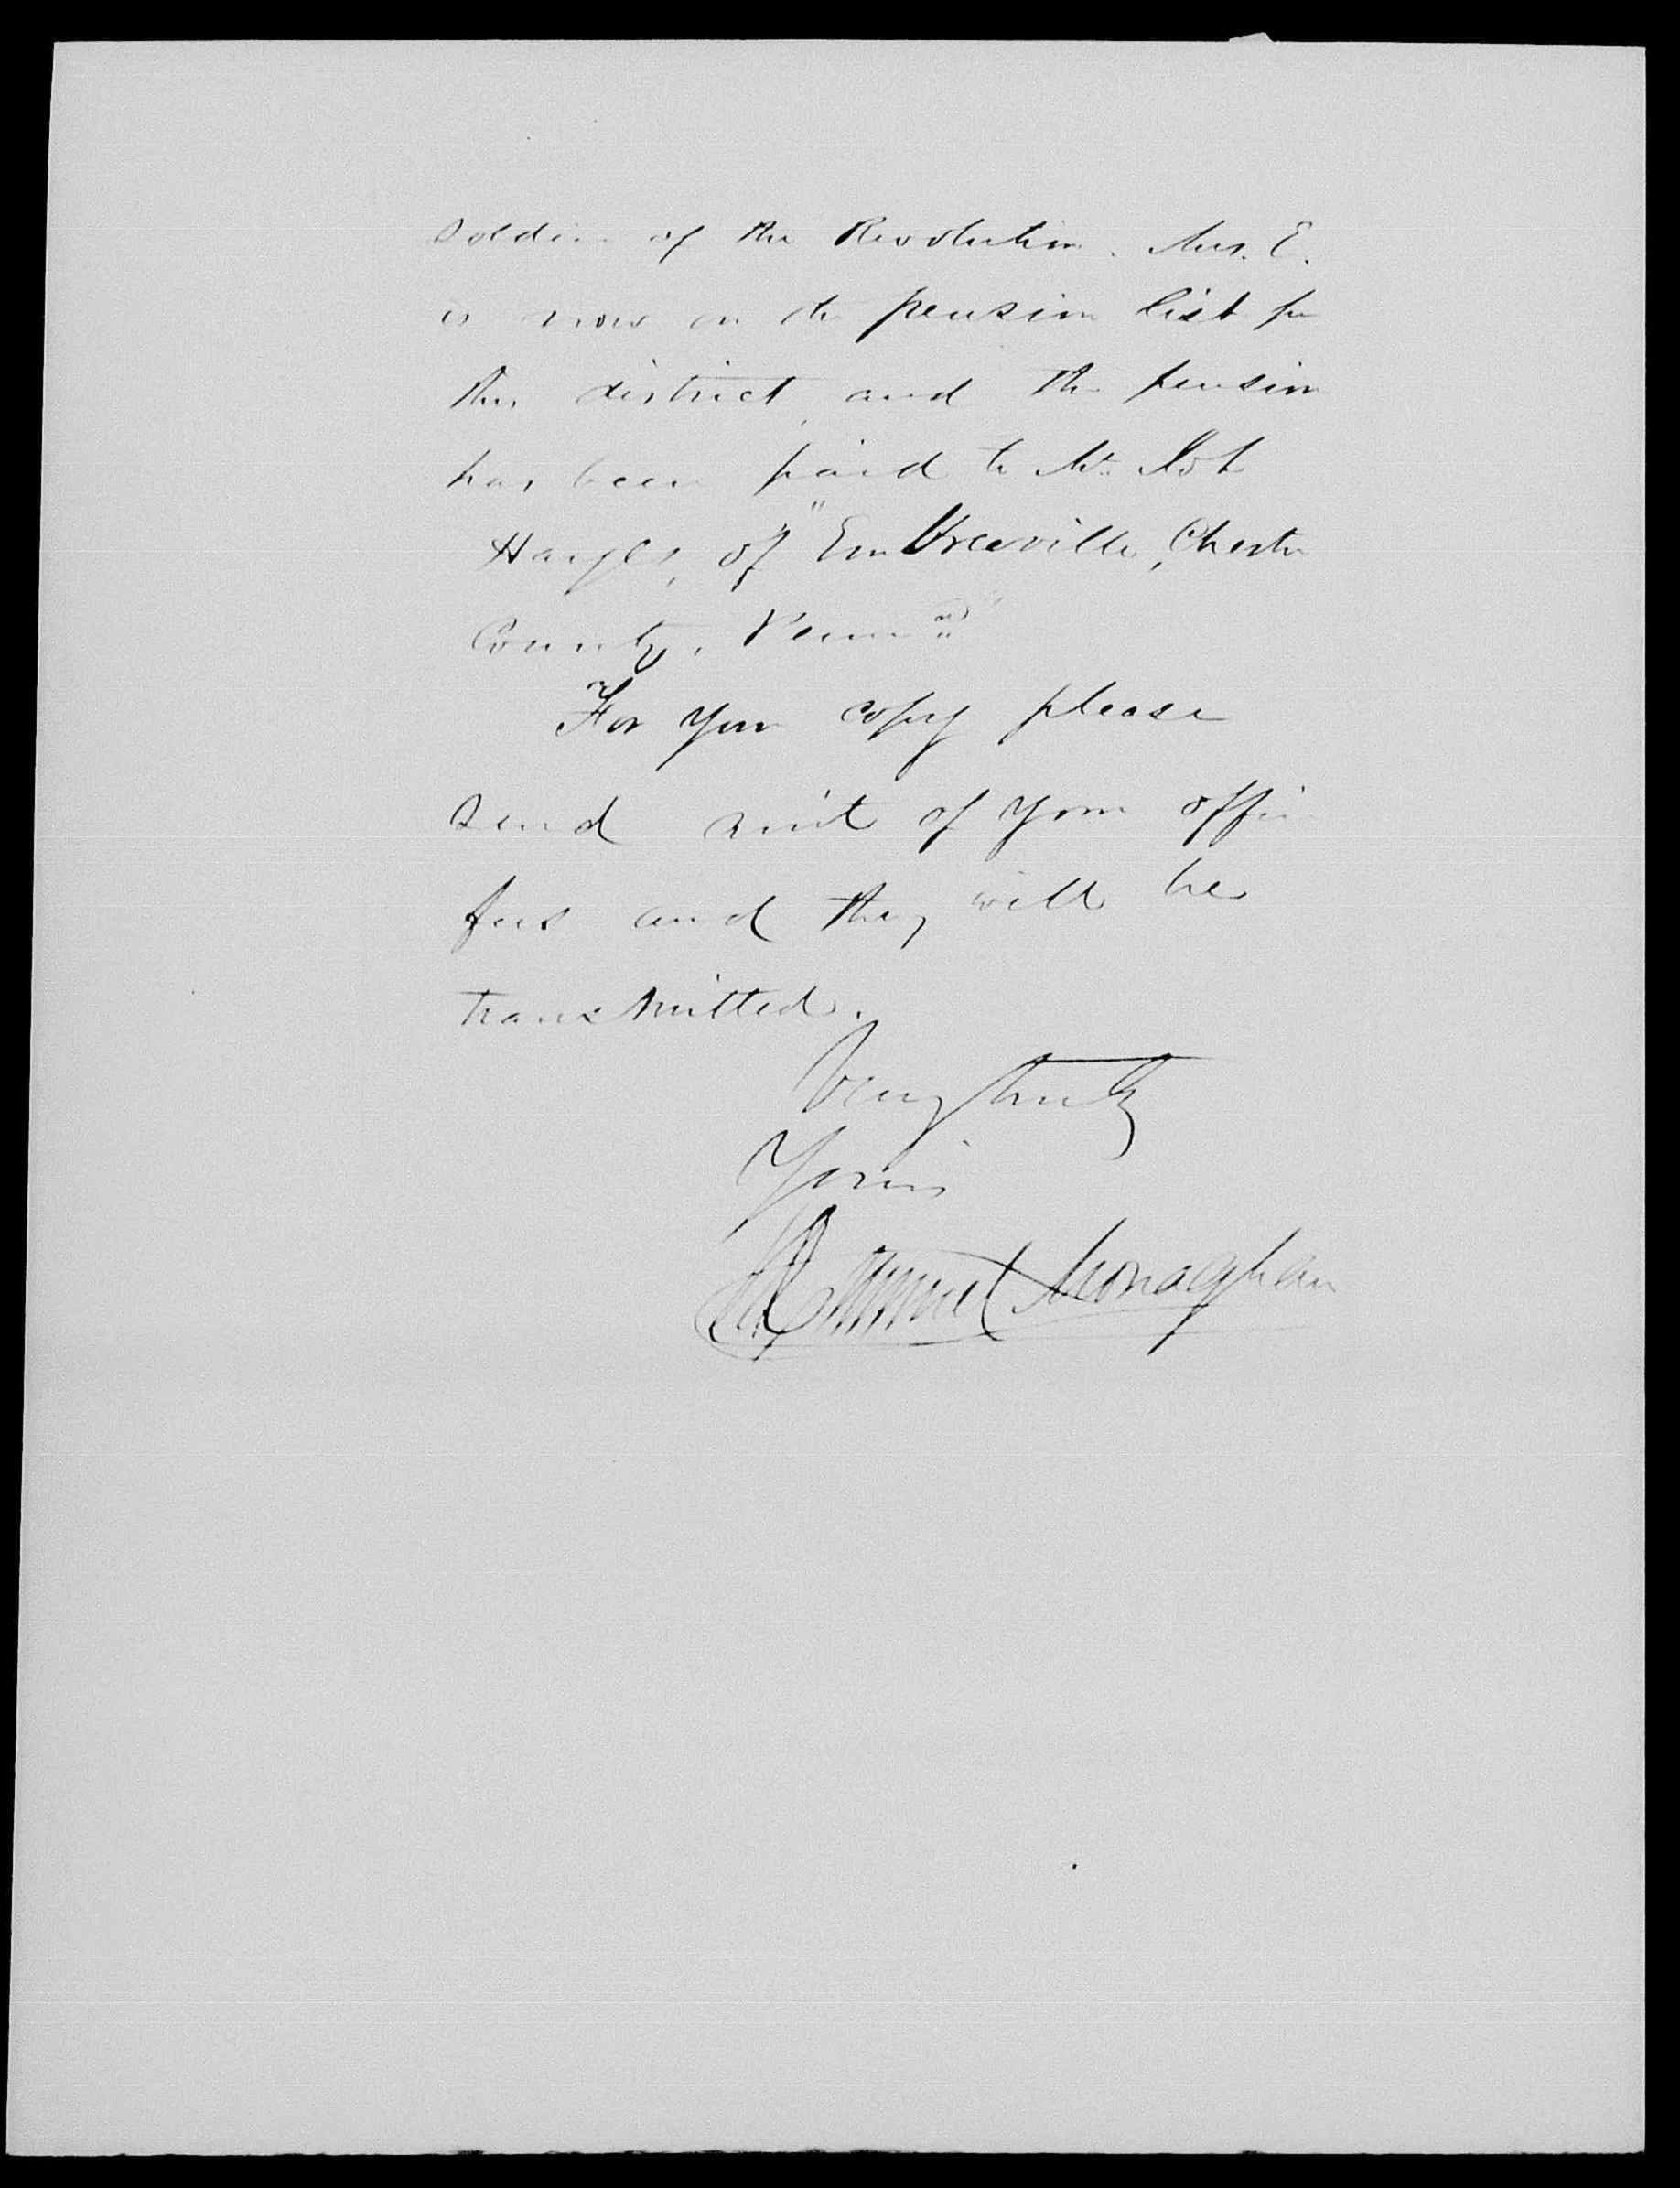soldier of the Revolution. Mrs. E.
is now on the pension list for
this district and the pension
has been paid to Mr Job
Hayes of Embreeville Chester
County.

For your copy please
said amm't of your office
fees and they will he
transmitted.
Very truly 
Yours
of
R Emmet Monaghan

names: E, Job Hayes, R Emmet Monaghan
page: 29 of 74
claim: widow's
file: W. 9422, James Edgar, Penn.